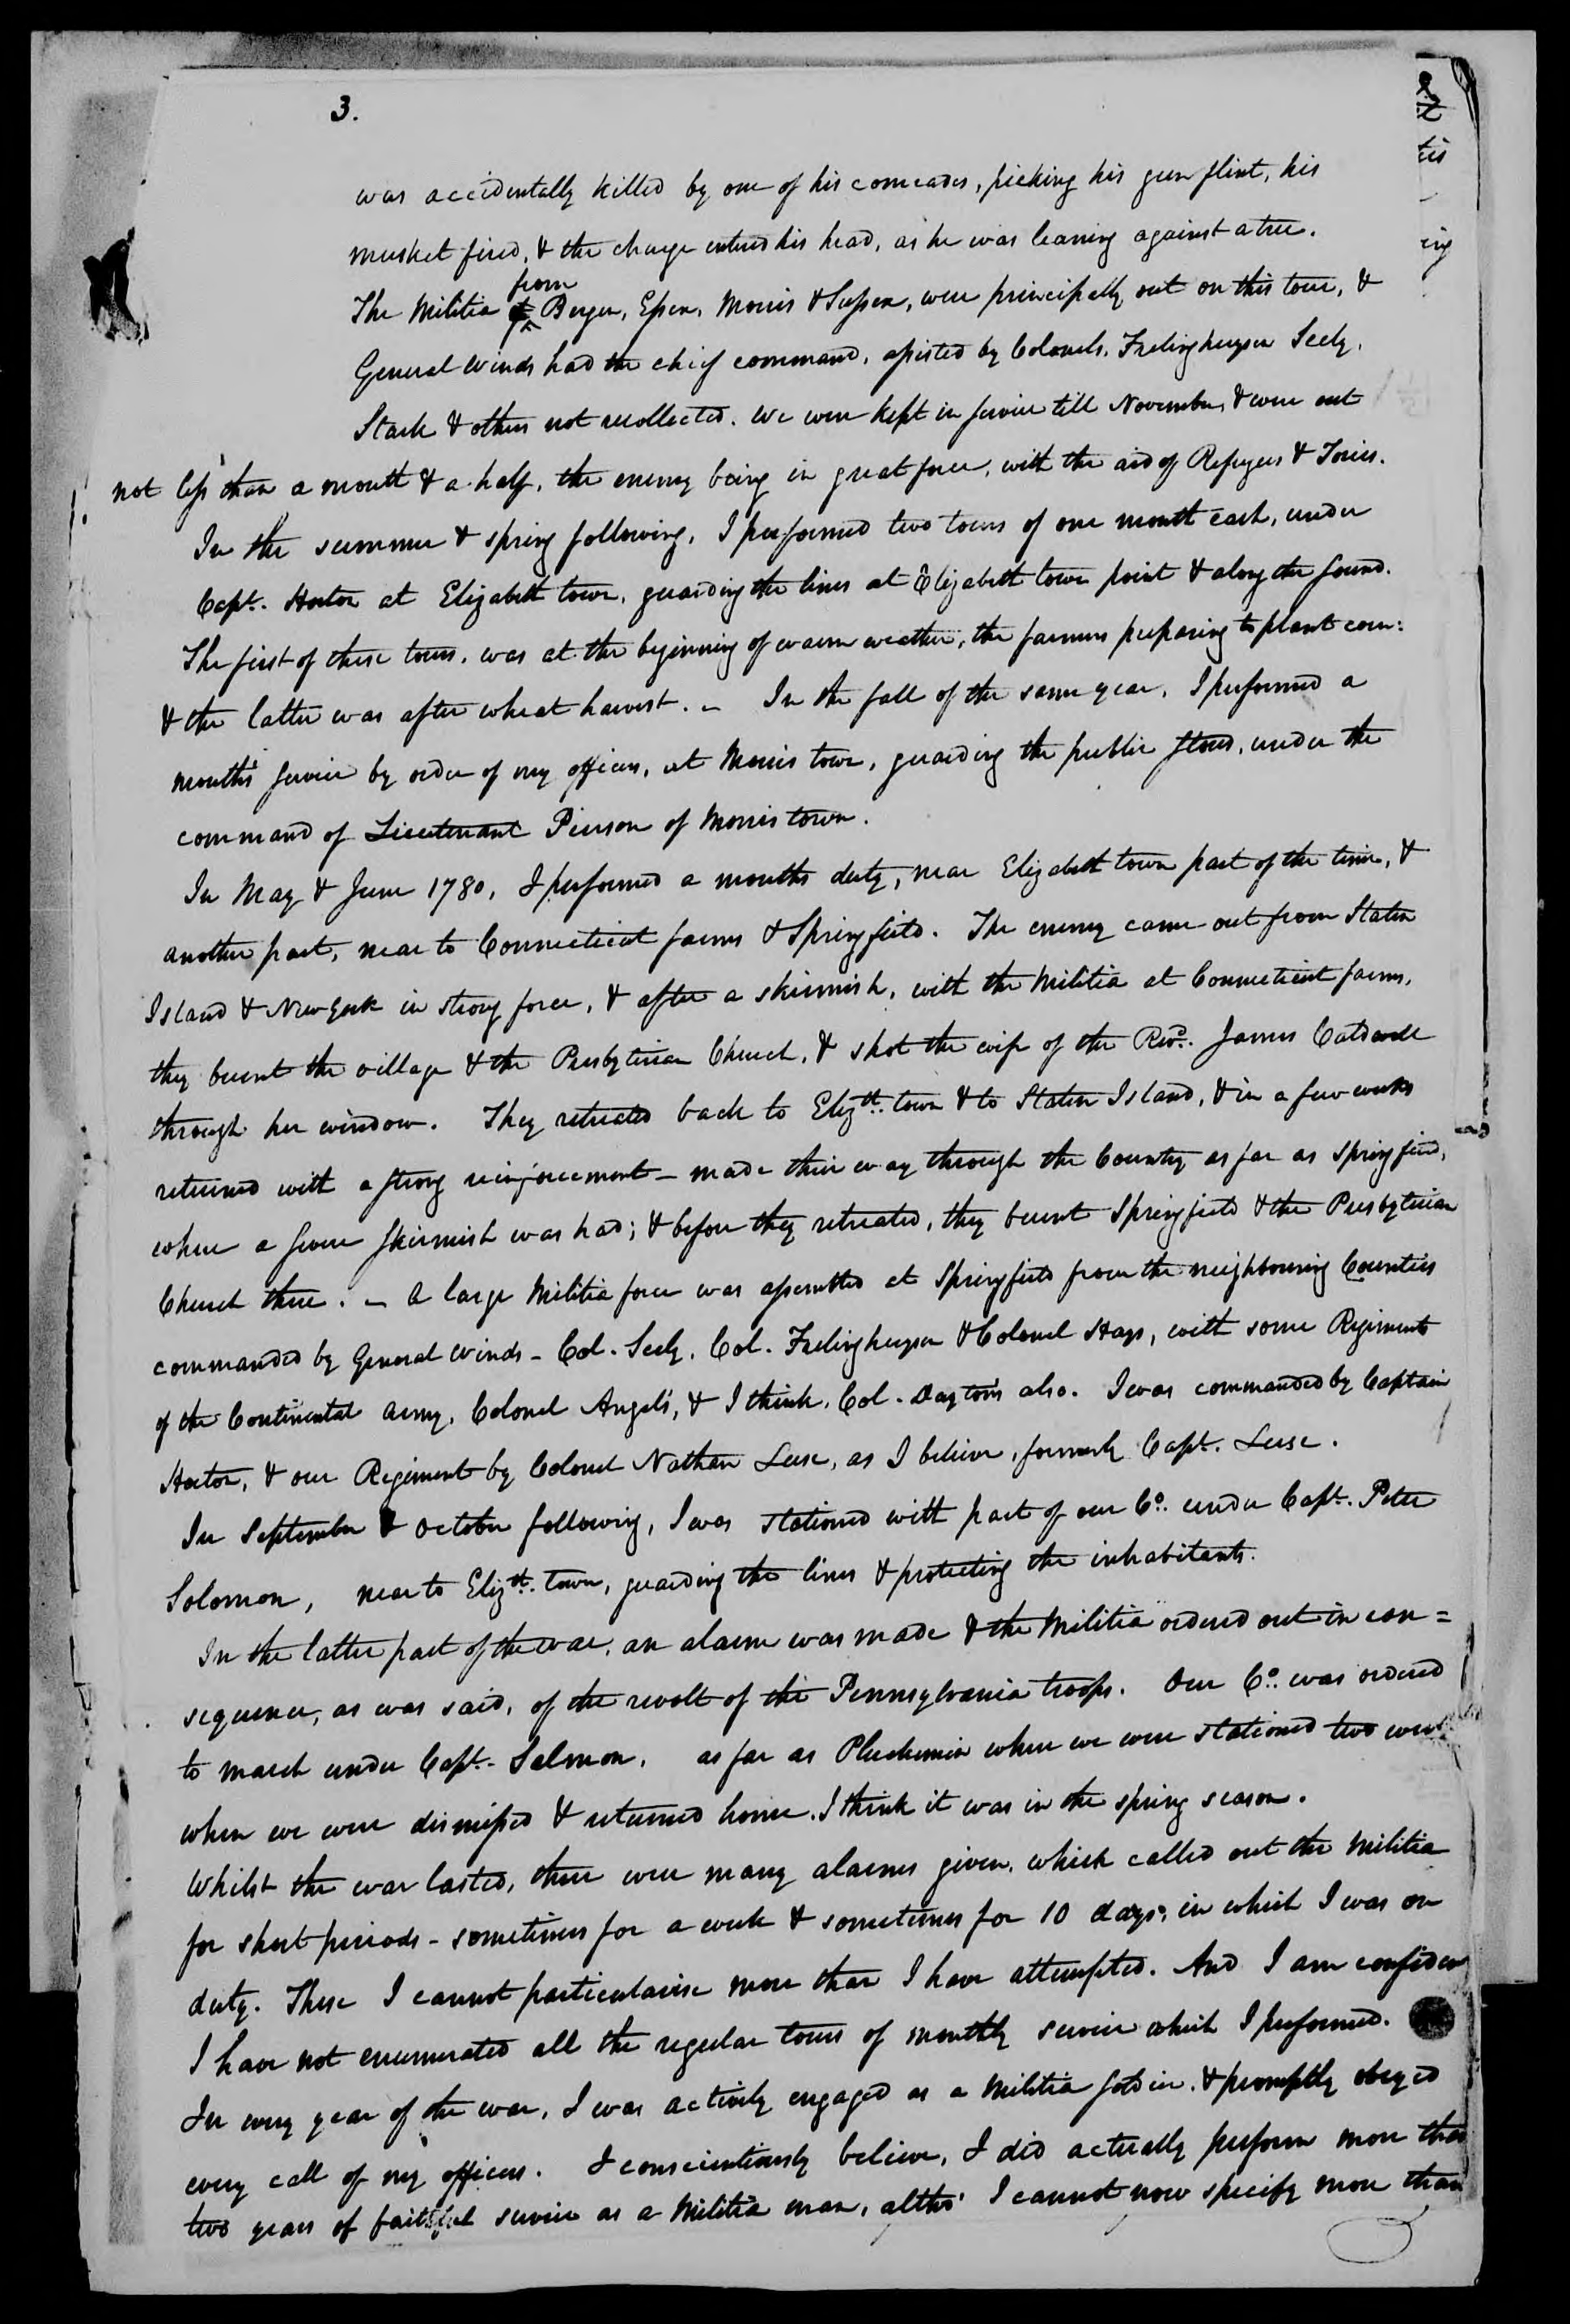3
was accidentally killed by one of his comrades, picking his gun flint, his musket fired, & the charge entered his head, as he was leaning against a tree.  
The militia from Boyen, Epen, Morris & Super, were principally not on this tour, & General Winds had the chief command, spirited by Colonels, Frelinghurger Feelz, Startk & others not recollected.  We were kept in service till November, & were out less than a month & and half, the enemy being in great force, with the aid of Refugees & Tories.
In the summer & spring following, I performed two tours of one month each, under Capt.. Hunter at Elizabeth town, guarding the lines at Elizabeth town first & along the found.
The first of there tours, was at the beginning of warm weather, the farmers preparing to plant corn: & the latter was after wheat harvest. In the fall of the same year.  I performed a months service bby order of my officers, at Morris town, guarding the public [illegible], under the command of Lieutenant Pierson of Morristown.
In May & June 1780, I performed a months duty, near Elizabethtown part of the time, & another part, near to Connecticut farms & Springfield.  The enemy came out from Staten Island & New York in strong force, & after a skirmish, with the militia at Connecticut farm, they burnt the village & the Presbyterian Church, & shot the wife of the Rev James Caldwell through her window.  They retracted back to Elizth town & to Staten Island, & in a few weeks returned with a strong reinforcement - made their way through the Country as far as Springfield, where a [illegible] skirmish was had; & before they retreated, they burnt Springfiled & the Presbyterian Church there. - A large militia force was assembled at Springfield from the neighboring Counties commanded by General Winds - Col. Seely, Col. Frelinghurger & Colonel Hays, with some Regiment of the Continental army. Colonel Angeli & I think Col. Dayton also. I was commanded by Captain Horton, & our regiment by Colonel Nathan Lure, as I believe, formerly Capt Luce. 
In September & October following, I was stationed with part of our Co under Capt Peter Solomon, near to Elizth town, guarding the lines & protecting the inhabitants.
In the latter part of the war, an alarm was made & the Militia ordered out in consequence as was said, of the revolt of the Pennsylvania troops.  Our Co was ordered to march under Capt. Solomon. as far as Pluckemon where we were stationed two weeks when we were dismissed  & returned home.  I think it was in the spring season.
Whilst the war lasted, there were many alarms given, which called out the militia for short periods - sometimes for a week & sometimes for 10 days, in which I was on duty.  There I cannot particularly more than I have attempted.  And I am confident I have not enumerated all the regular tours of month service which i performed.
In every year of the ware, I was actively engaged as a militia soldier. & promptly obeyed every call of my officers. I conscientiously believe, I did actually perform more than two years of faithful service as a militia man, altho I cannot now specify more than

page: 6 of 20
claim: survivor's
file: S. 4911, for Daniel Swayze, New Jersey